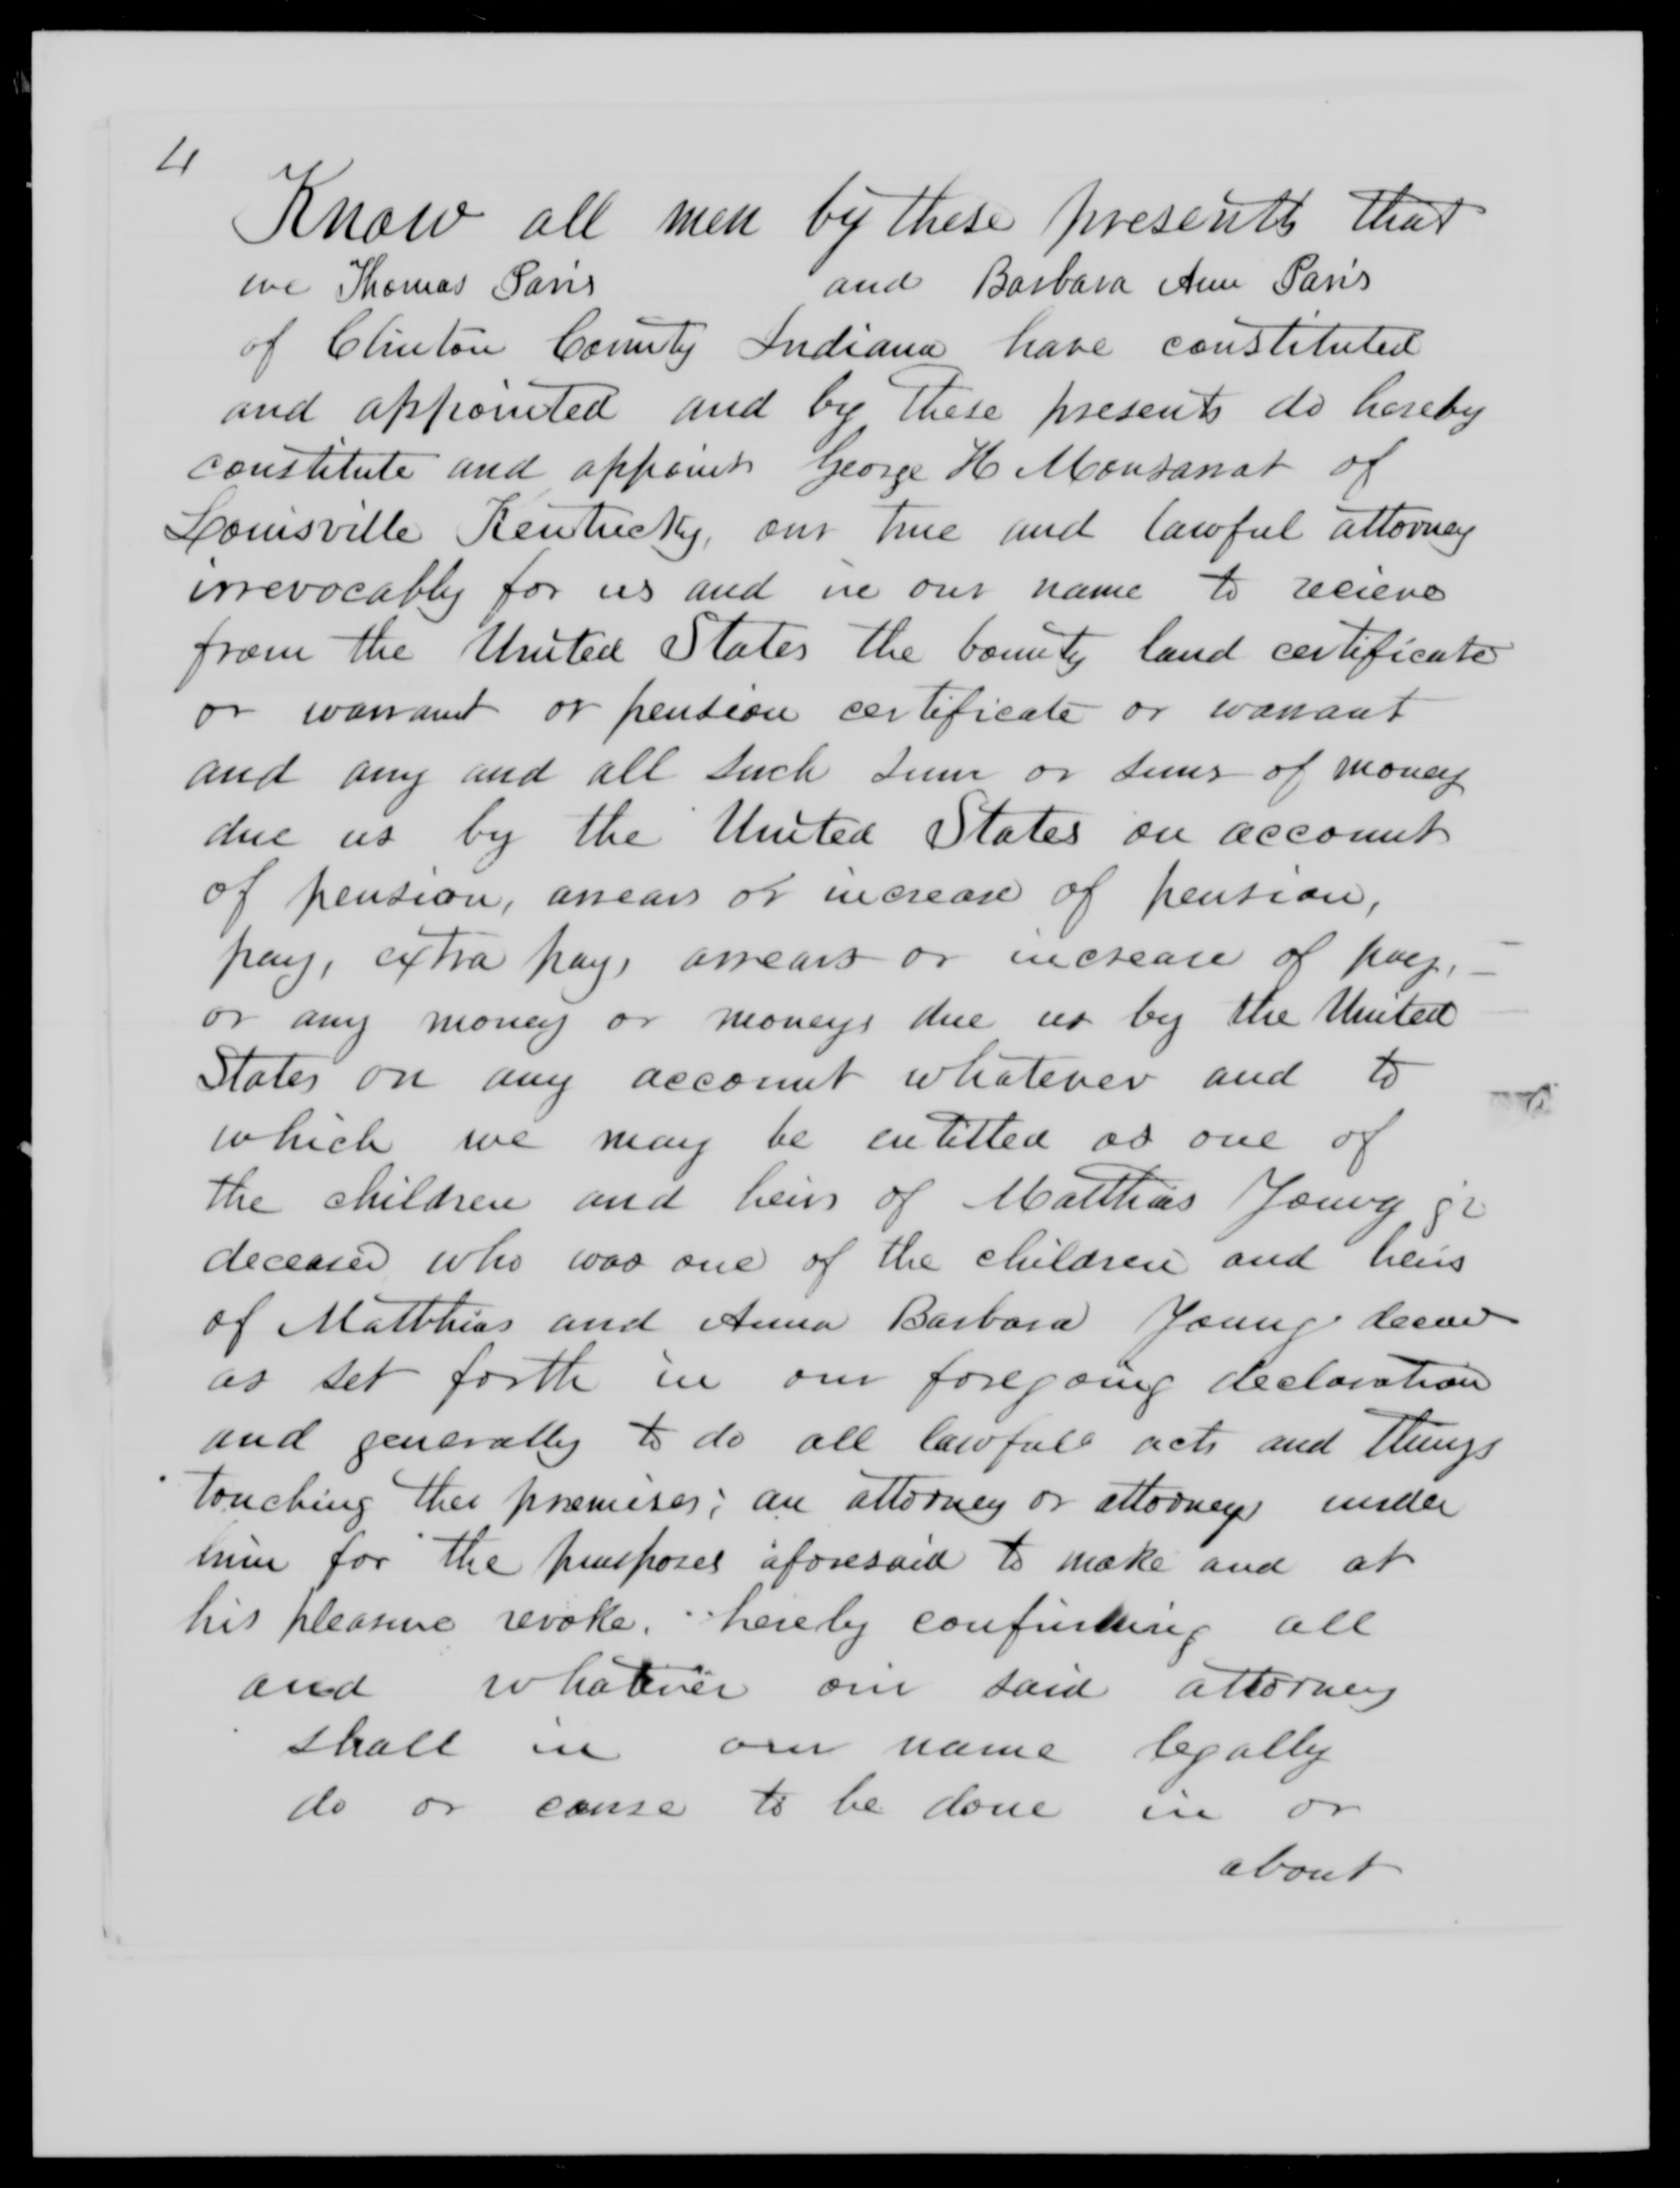4
Know all men by these presents that
We Thomas Paris and Barbara Ann Paris
of Clinton County Indiana have constituted
and appointed and by these presents do hereby
constitute and appoint George H Monsaratt of
Louisville Kentucky, our true and lawful attorney
irrevocably for us and in our name to recieve
from the United States the bounty land certificate
or warrant or pension certificate or warrant
and any and all such sum or sums of money
due us by the United States on account
of pension, arrears or increase of pension,
pay, extra pay, arrears or increase of pay,
or any money or moneys due us by the United States
on any account whatever and to
which we may be entitled as one of the
children and heirs of Matthias Young jr
deceased who was one of the children and heirs
of Matthias and Anna Barbara Young dec’d, 
as set forth in our foregoing declaration
and generally to do all lawful acts and things
touching the premises; an attorney or attorneys under him for the purposes aforesaid to make and at his pleasure revoke, hereby confirming all
and whatever our said attorney shall in
our name legally do or cause to be done in or
about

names: Thomas Paris, George H Monsarrat, Matthias Young, Barbara Ann Paris, Anna Barbara Young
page: 91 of 123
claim: rejected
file: R. 11,949, Matthias Young, Md.